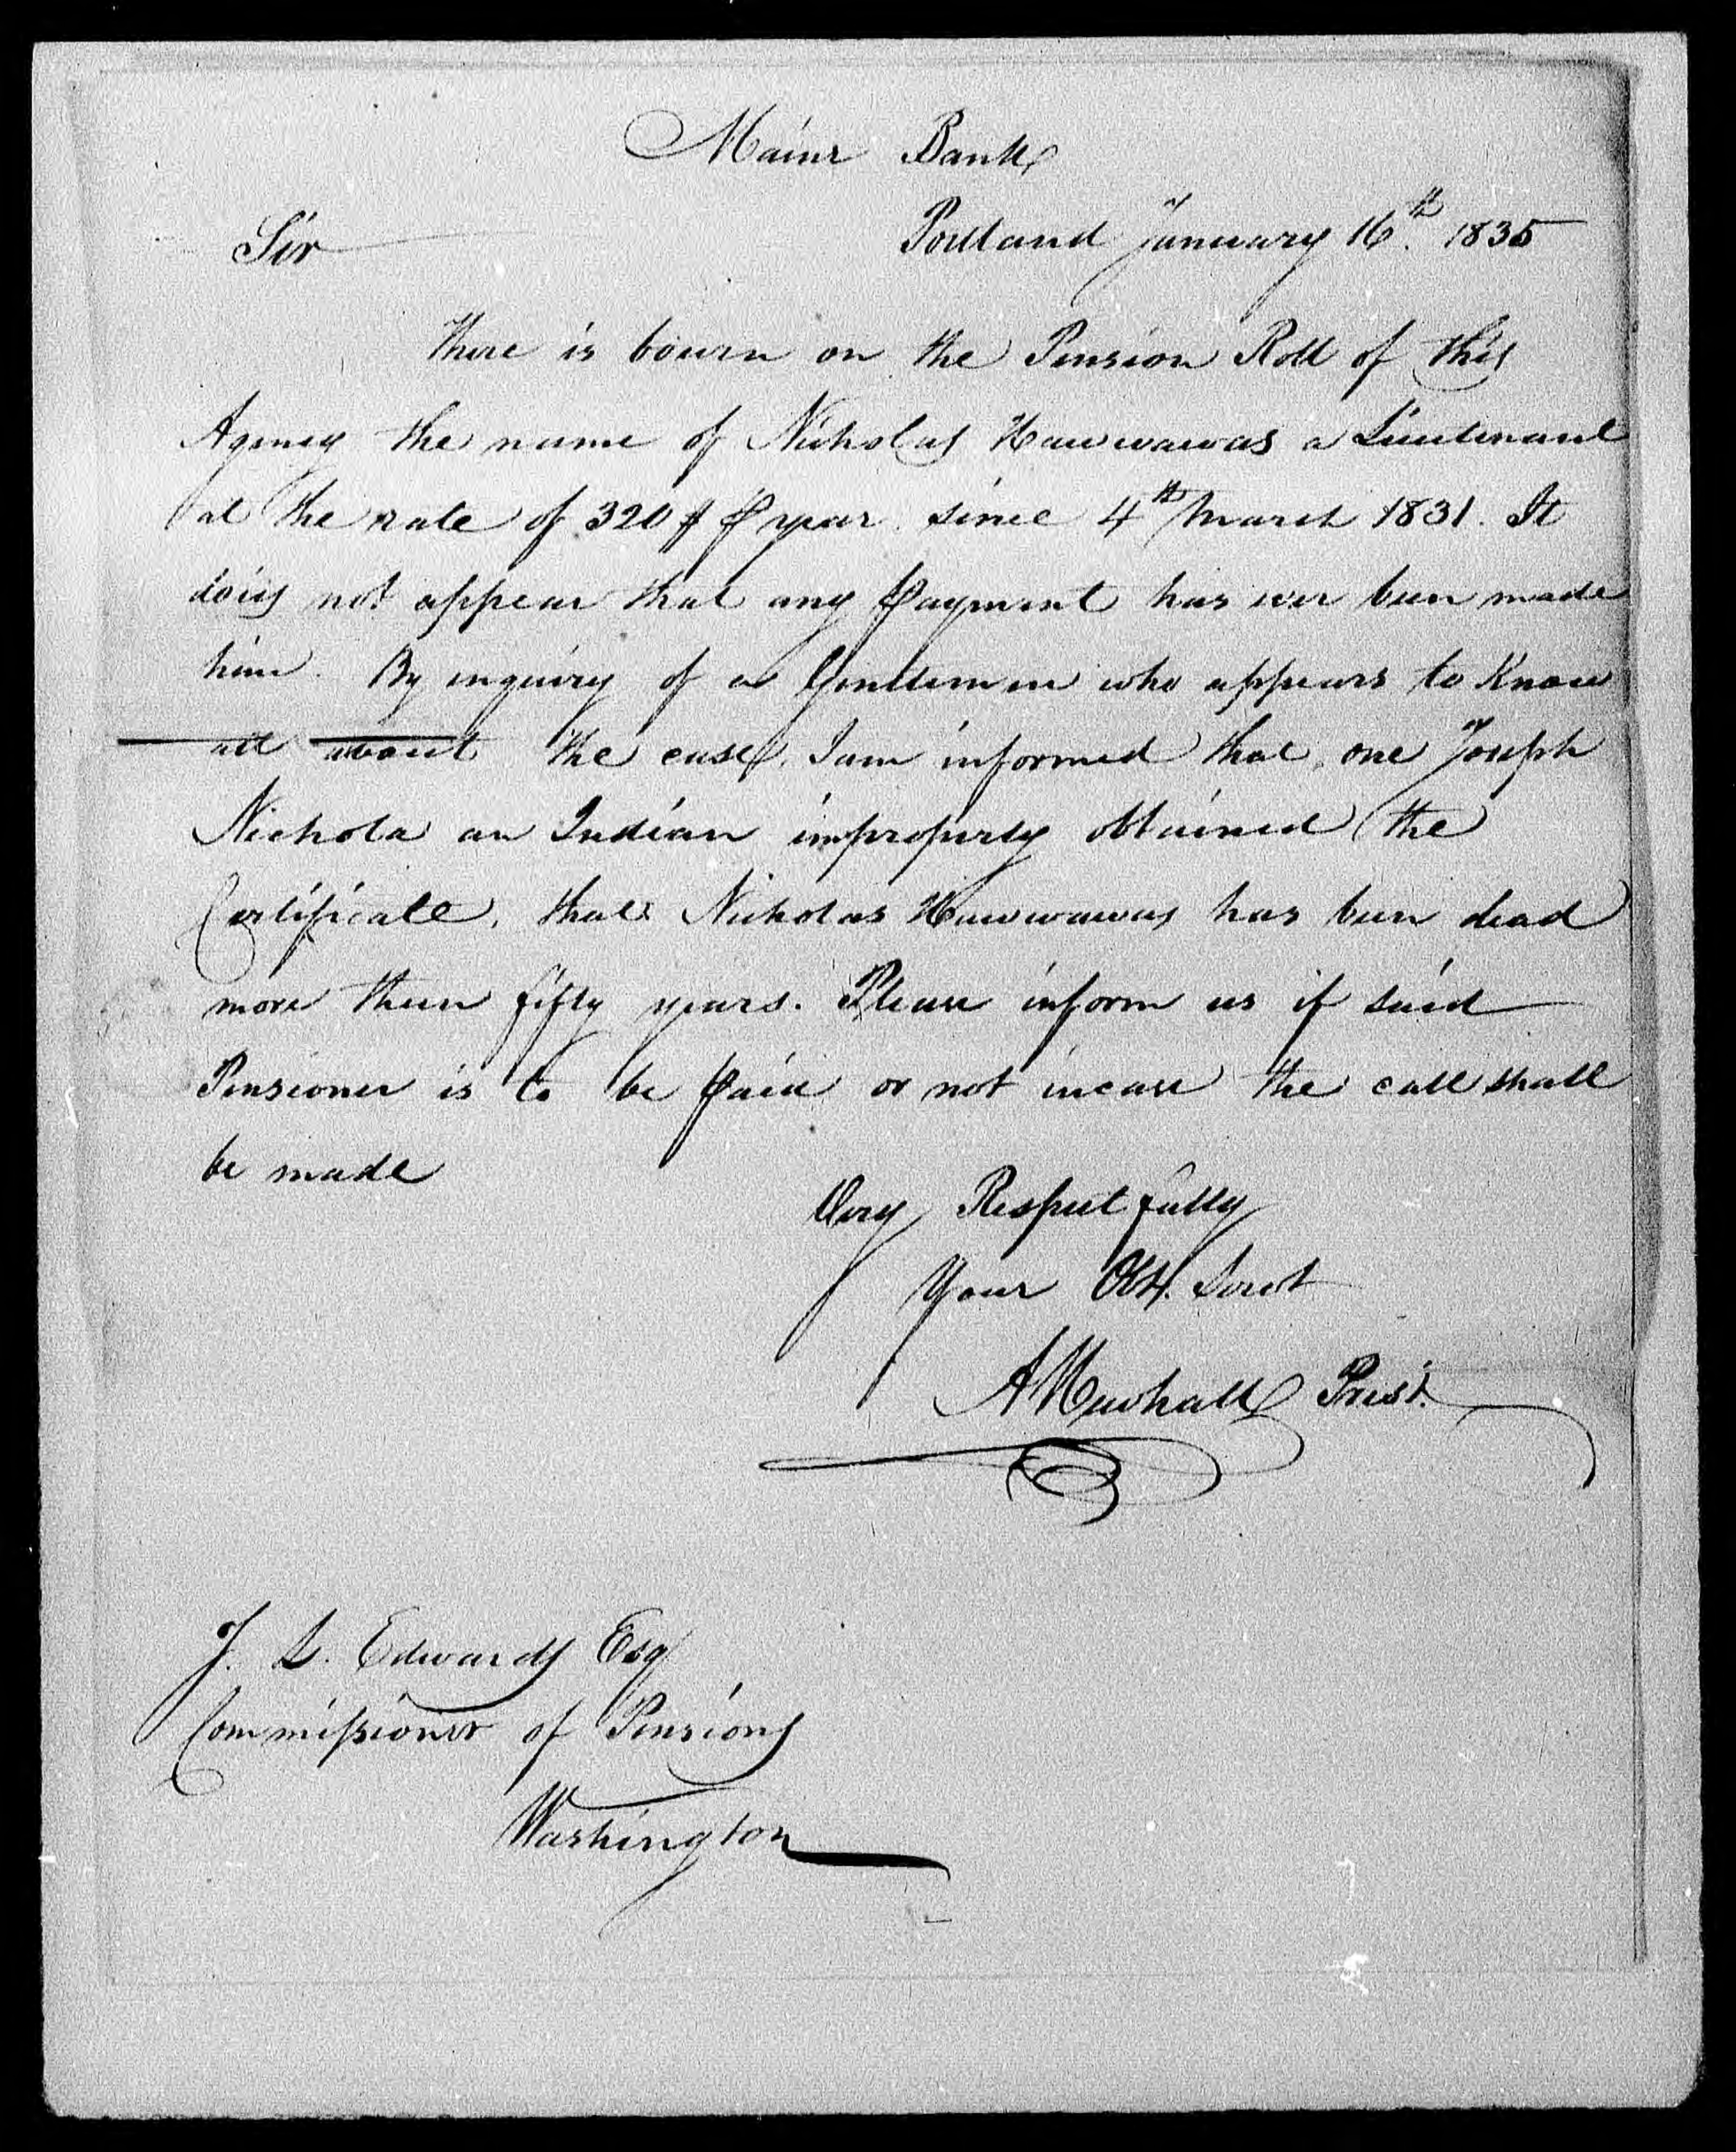Maine Bank
Portland January 16th, 1835

Sir

There is bourn on the Pension Roll of this
Agency the name of Nicholas Hawwawas a Lieutenant
at the rate of 320$ p year since 4th March 1831. It dois not appear that any payment has ever been made him. By inquiry of a gentleman who appears to know all about the ensu, I am informed that one Joseph Nichola an Indian improperly obtained the Certificate, that Nickolus Hawwawas has been dead more than fifty years. Please inform us of said Pensioner is to be paid or not incurs the call shall be made.

Very Respectfully 
Your Off. [Scret?]
A Newhall Presd.

J. L. Edwards Esq
Commissioner of Pensions
Washington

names: Nicholas Hawwawas, Nicholas Hawwawas, J L Edwards, A Newhall, Joseph Nichola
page: 31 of 52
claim: survivor's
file: S 17997, Nicholas Hawwawas, Mass.